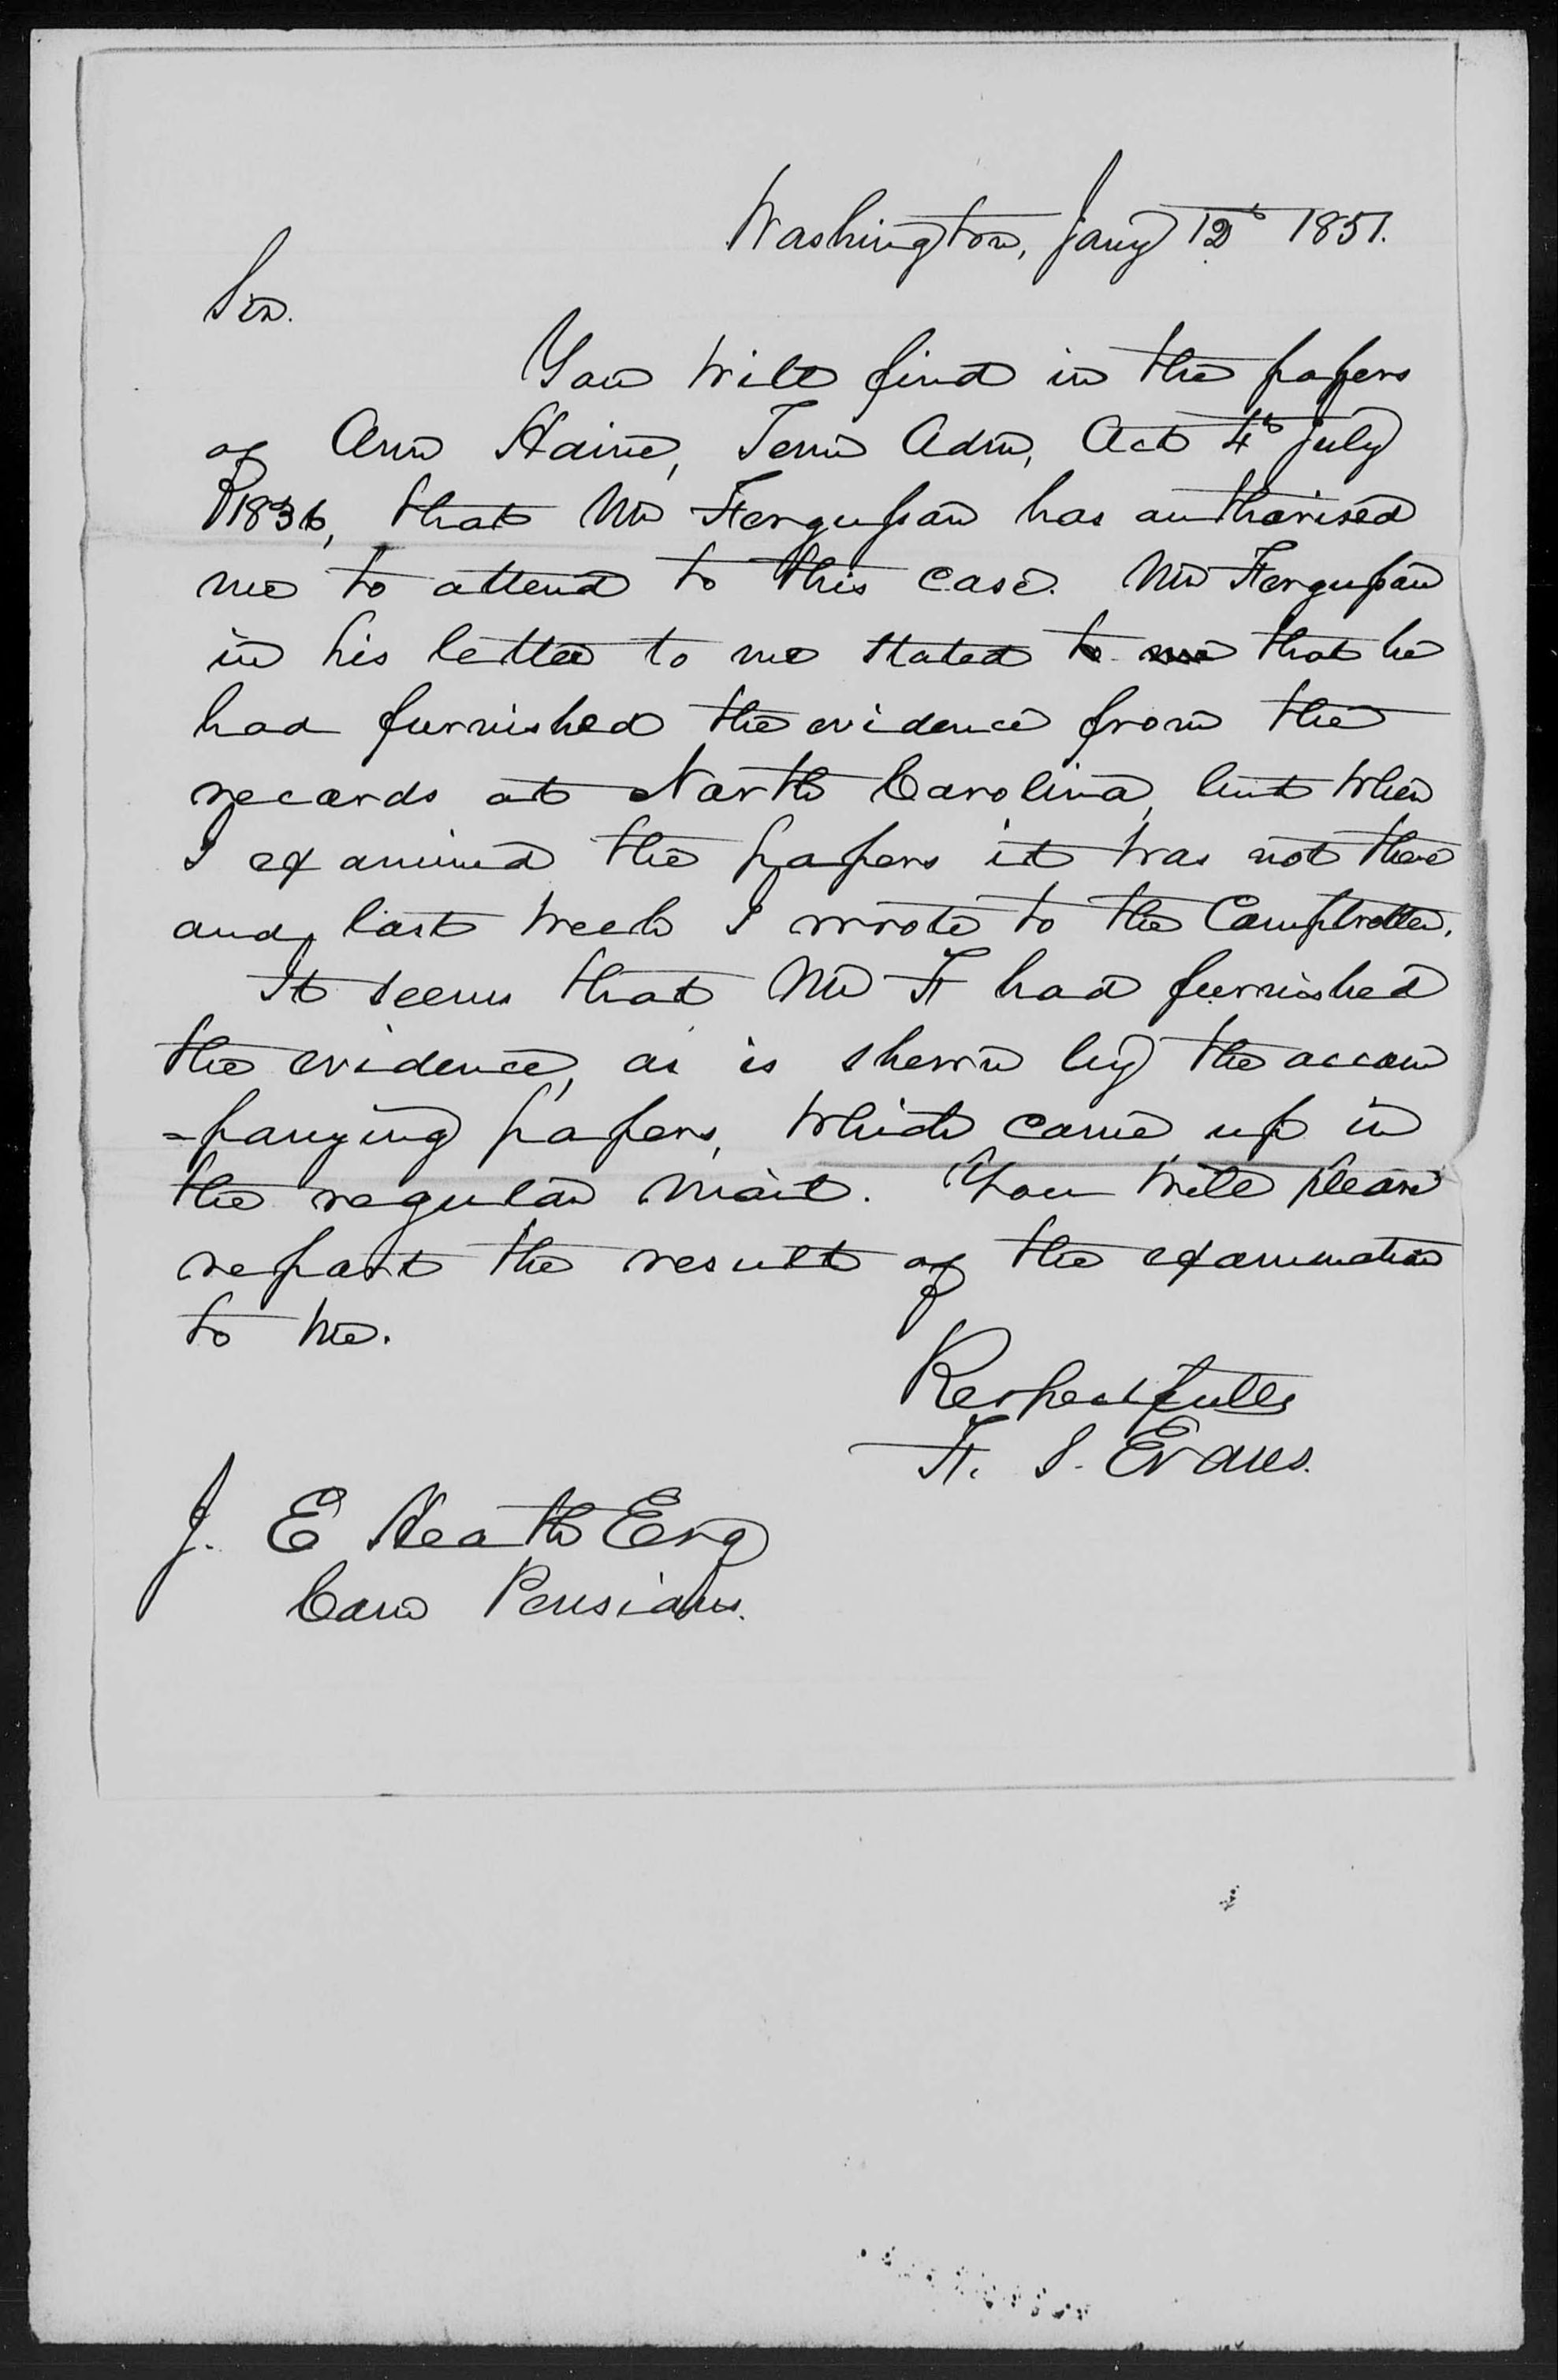Washington January 12 1851.
Sir
You will find in the papers of Ann Haine, Terri Adam, Act 4th July 1936, that’s Mr Fergusson has authorized me to attend to this case. Mr Ferguson in his letter to me stated [stick through two words] that he had furnished the evidence from the records at North Carolina but when examined the papers it has not there and that last need I wrote to the Comptroller.
It seems that [illegible] I had furnished the evidence as is shown by the accom-panying papers, which came up in the regular mail. You will deem [illegible] the results of the examination to me. 
	Respectfully
		F S Evans
J E Heath Esq
Law Pension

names: Fergusson, Fergusson, Ann Haine, F S Evans, J E Heath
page: 43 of 62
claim: widow's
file: W 7005, Frederick Debow, N.C.